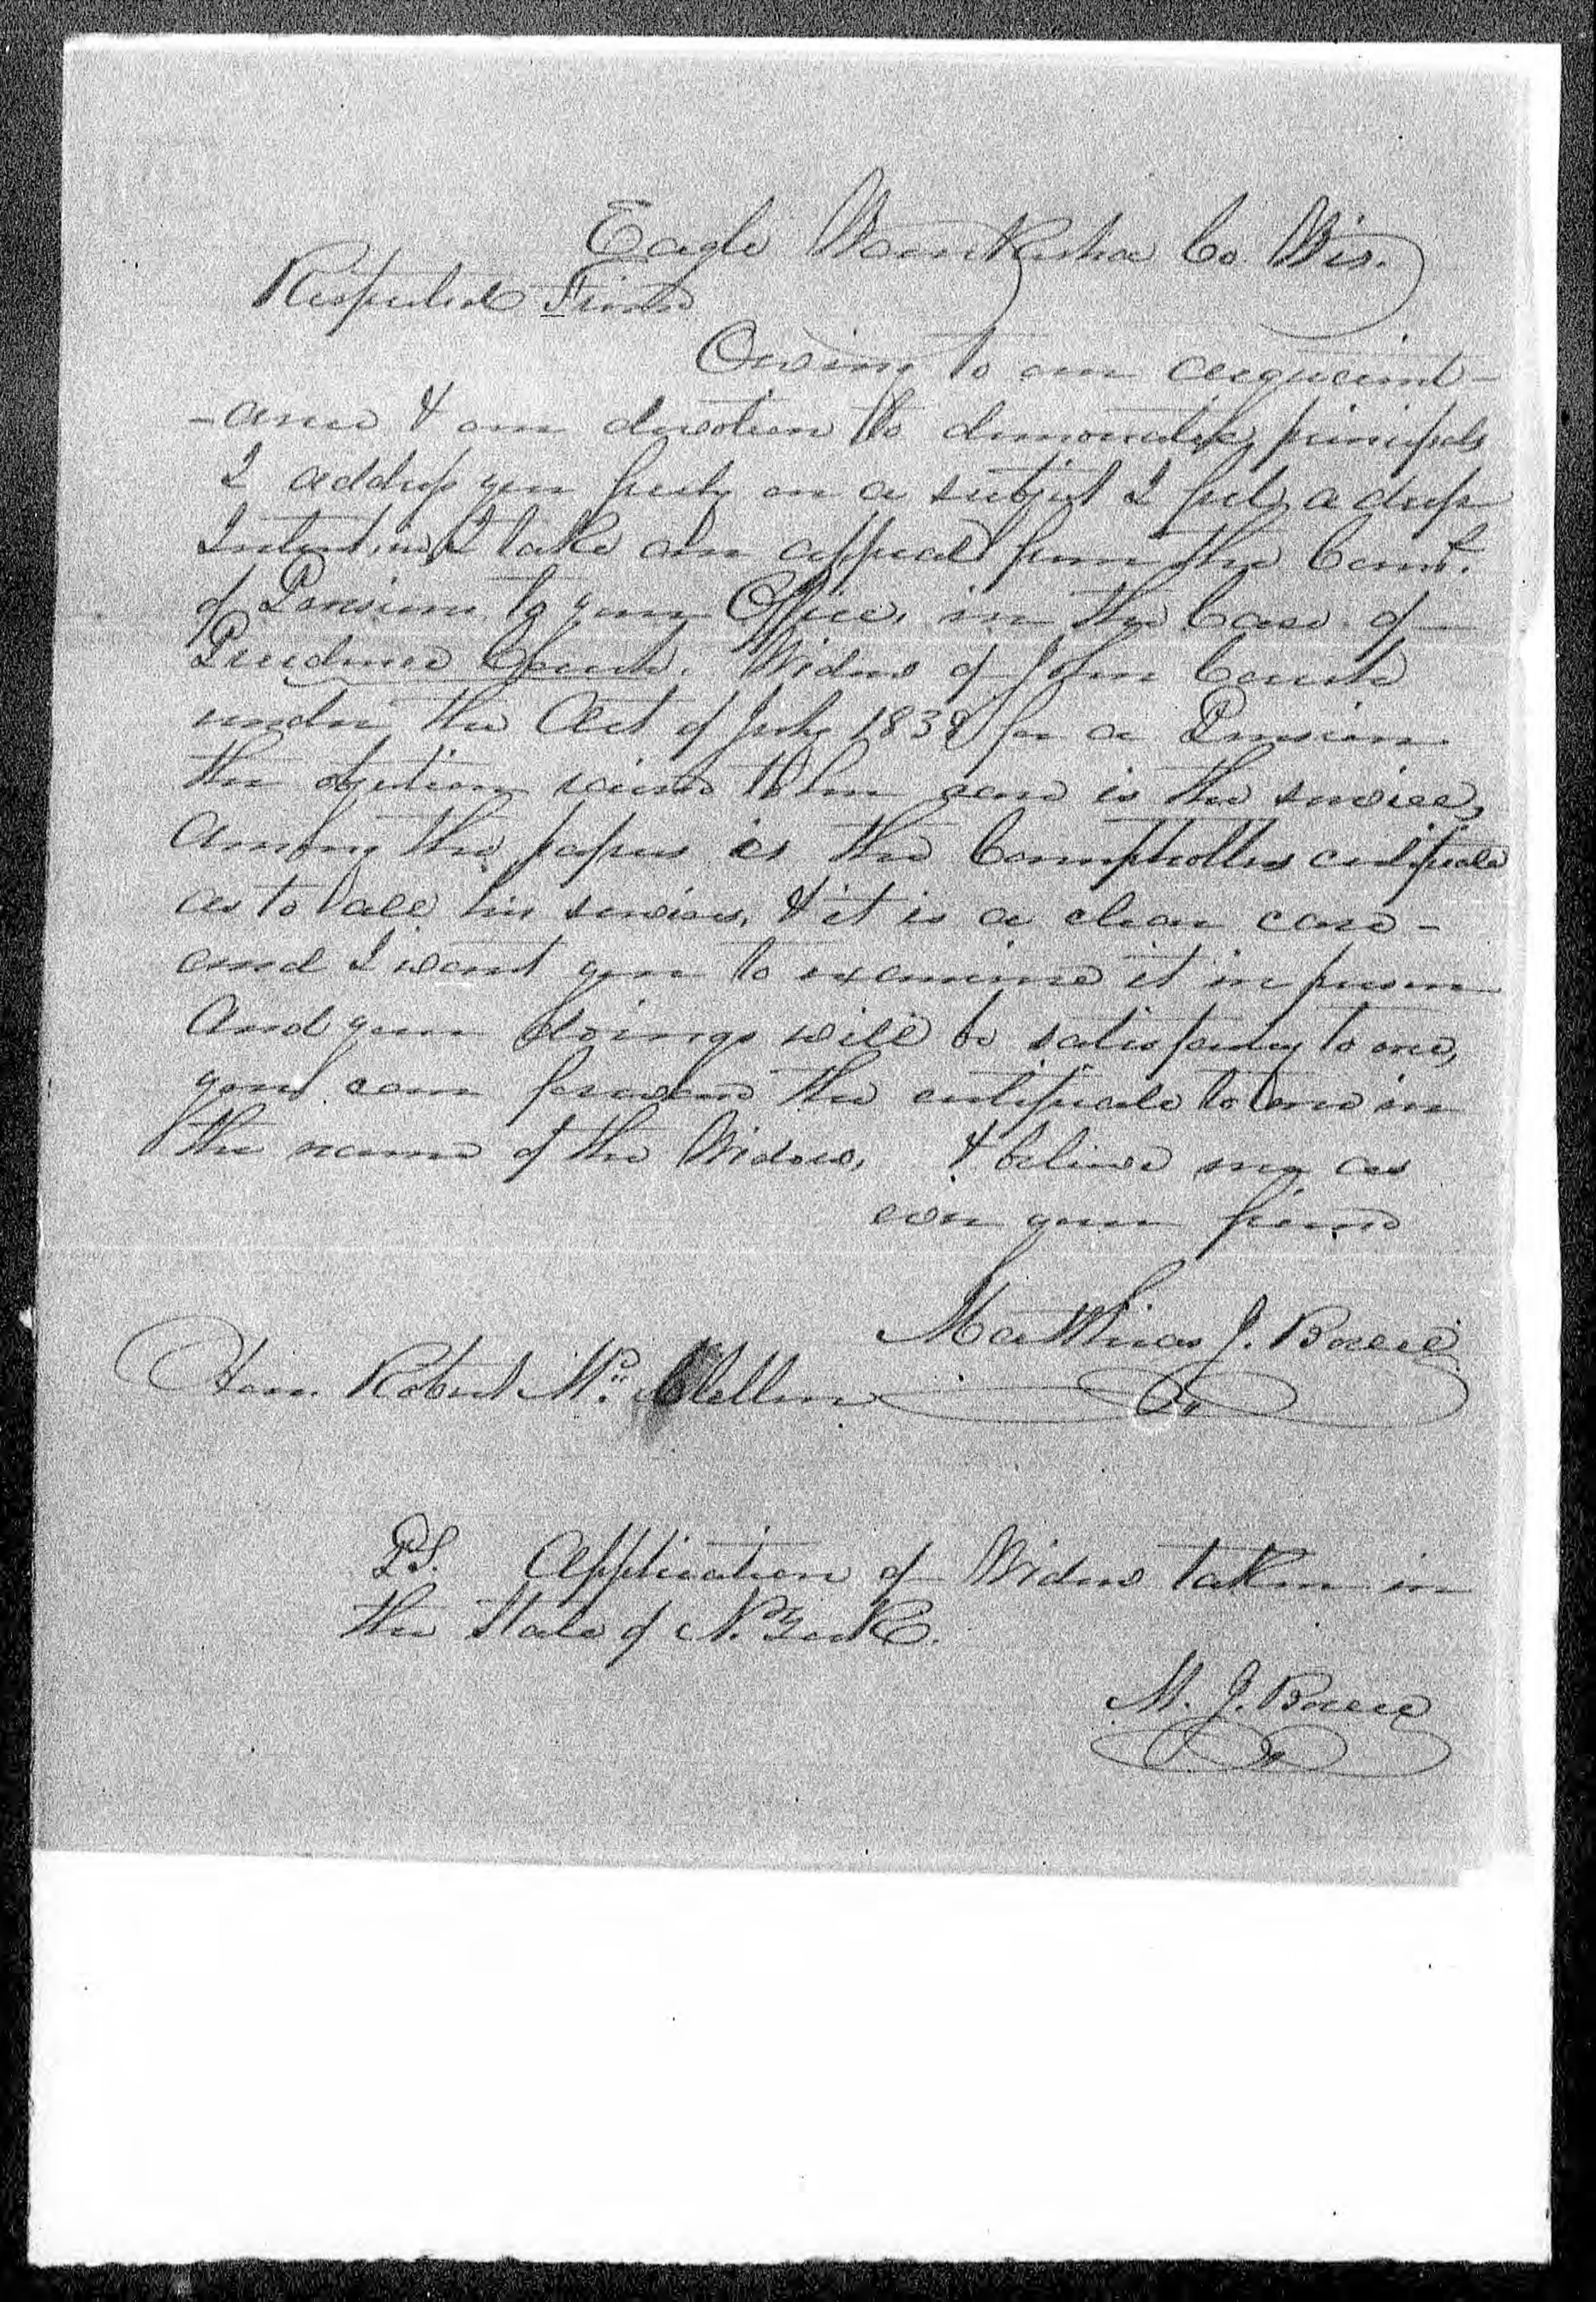Eagle Waukesha Co. Wis.
Respected Friend
owing to our acquaintance & our devotion to democratic principals I address you feely on a subject I feel a deep interest in. I take on appeal from the Commr of Pensions to your office, in the case of Prudence Couch, widow of John Couch under the Act of July 1838 for a Pension. The objections received to her case is the service, among the papers is the Comptrollers certificates as to all his services, & it is a clear case. And I want you to examine it in person. And your obliging will be satisfactory to me, you can forward the certificate to me in the name of the widow, & believing as ever your friend
Matthias J. Bowe

Hon. Robert McClellan

P. S. Application of Widow taken in the state of N. York
M. J. Bowe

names: Matthias J Bovee, Prudence Couch, John Couch, M J Bovee, Robert Mc Clellan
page: 43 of 68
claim: rejected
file: R. 2,360, John Couch, Conn.